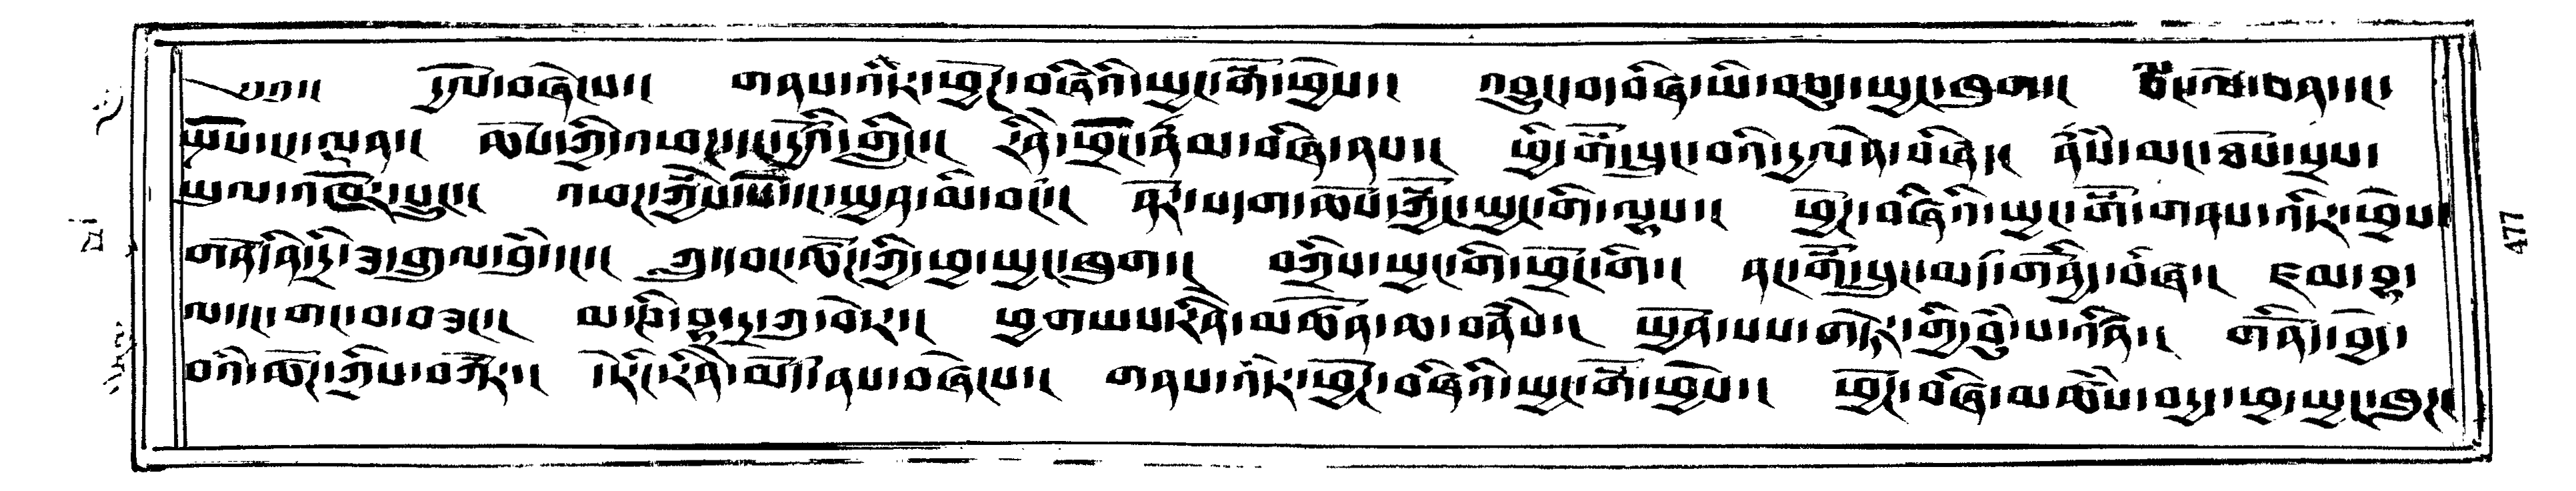རྒྱ་བོ་བཞེངས། །གནས་འདིར་ཕྱོགས་བཞིའི་གཡང་སྒོ་ཕྱེས། །འབྱུང་བ་བཞི་ཡི་བཅུད་གཡང་ཁུག །ལྕང་ལོ་ཅན་དང་
སྤོས་ངད་ལྡན། །ཆོས་ཀྱི་འཕགས་དང་རྒྱ་མཚོའི་གླིང་། །རིན་ཆེན་ཕོ་བྲང་རྣམ་བཞི་ནས། །ཕྱི་སྒོ་སྲུང་བའི་རྒྱལ་ཆེན་བཞི། །རྣམ་མང་ཐོས་སྲས་
ཡུལ་འཁོར་སྲུང་། །འཕགས་སྐྱེས་པོ་དང་སྤྱན་མི་བཟང་། །ནོར་བདག་ཆོས་སྐྱོང་གཡང་གི་ལྷས། །ནཕྱོགས་བཞི་གཡང་སྒོ་གནས་འདིར་ཕྱེས། 
གནོད་སྦྱིན་དྲི་ཟ་གྲུལ་བུམ་དང་། །ཀླུ་དབང་ཚོགས་ཀྱི་ཕྱྭ་གཡང་ཁུག །བཀྲ་ཤིས་གཡང་གི་ཕོ་བྲང་གི །ནང་སྒོ་སྲུང་མཛད་གནོད་སྦྱིན་བཞི། །ཛམ་བྷ་
ལ་དང་གང་བ་བཟང་། །མ་ཎི་བྷ་དྲ་ཀུ་བེ་ར། །ཕྱག་གཡས་རིན་ཆེན་མཚོན་ཆ་བསྣམས། །གཡོན་པས་གཏེར་གྱི་བུམ་པ་འཛིན། །གནོད་སྦྱིན་བྱེ་
བའི་ཚོགས་ཀྱིས་བསྐོར། །དེ་རིང་རིན་ཆེན་མཛོད་ནས་བཞེངས། །གནས་འདིར་ཕྱོགས་བཞིའི་གཡང་སྒོ་ཕྱེས། །ཕྱོགས་བཞི་མཚམས་བརྒྱད་ཕྱྭ་གཡང་ཁུག